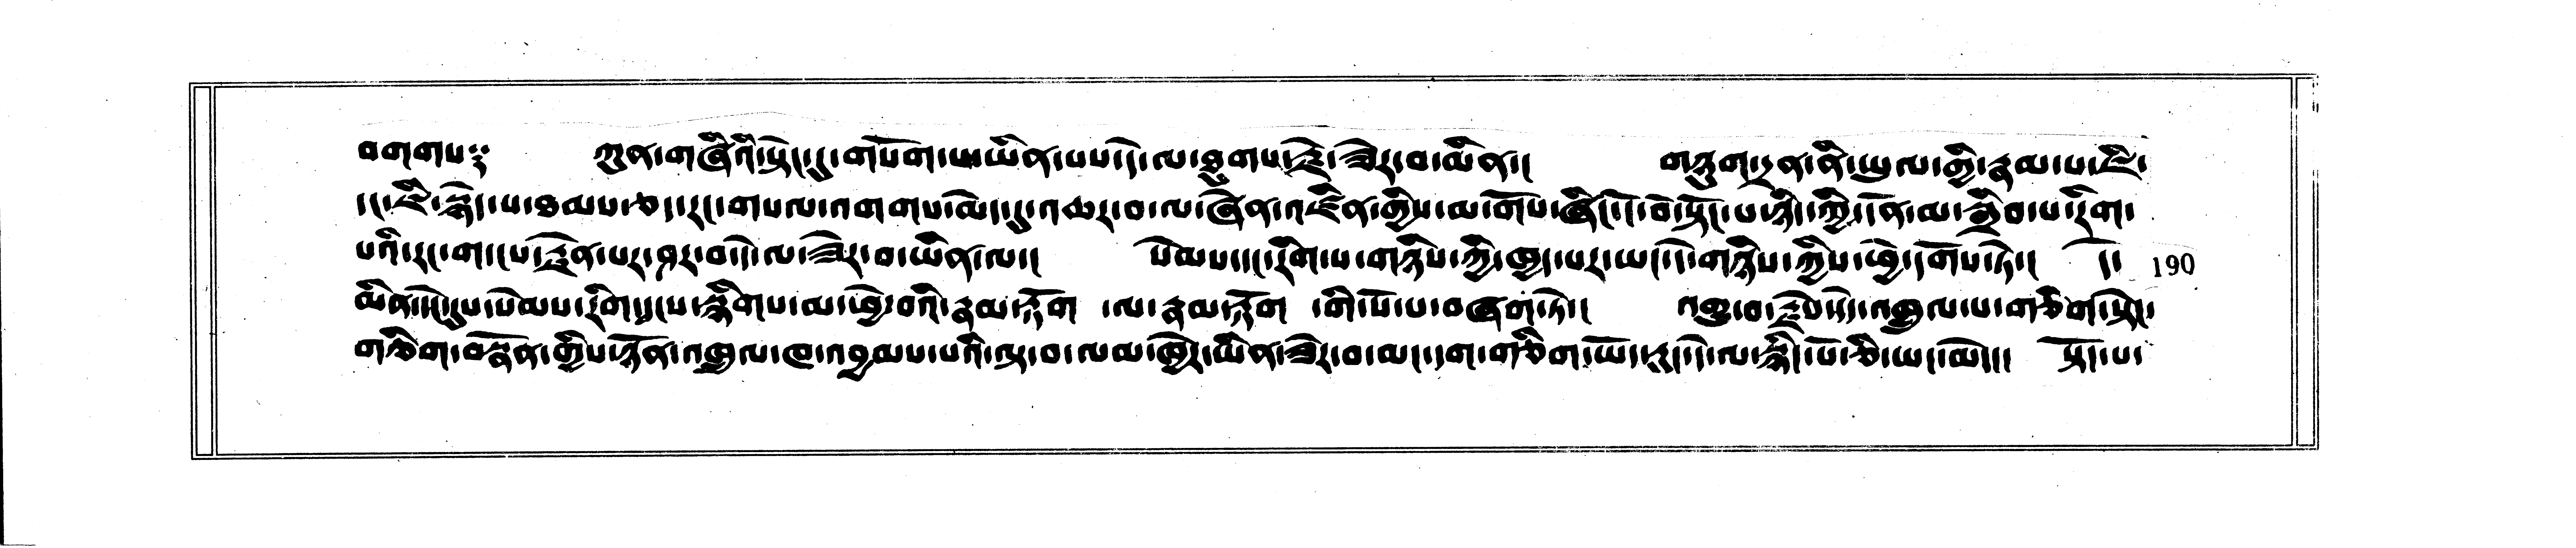བག་ཆགས་ཀུན་གཞིའི་སྟེང་དུ་གསོག་པ་ཡིན་པས། དེ་ལ་ཐུགས་རྗེ་ཟེར་བ་མིན། གཉུག་དྲན་ནི་ཡུལ་གྱི་རྣམ་པ་ཇི་
དང་ཇི་སྙེད་པ་ཐམས་ཅད་རང་གསལ་འགག་མེད་དུ་འཆར་བ་ལ་ཞེན་འཛིན་གྱིས་མ་གོས་ཤིང་ངོ་བོ་སྟོང་པ་ཉིད་ཀྱི་དོན་མ་བསྒྲིབས་པ་རིག་
པའི་རང་གདངས་རྗེན་པར་ཤར་བ་དེ་ལ་ཟེར་བ་ཡིན་ལ། སེམས་དང་རིག་པ་གཉིས་ཀྱི་ཁྱད་པར་ཡང་དེ་གཉིས་ཀྱིས་ཕྱེ་དགོས་ཏེ། དེ་
མིན་དེང་དུས་སེམས་རིག་དངས་སྙིགས་མ་ཕྱེ་བའི་རྣམ་རྟོག་ལ་རྣམ་རྟོག་གི་སོ་བ་བཞག་སྟེ། འགྱུ་བ་རྗེས་དེད་འཁྲུལ་པ་གཅིག་སྟེང་
གཅིག་སྣོན་གྱིས་ཉོན་འཁྲུལ་ཁ་འབྱམས་པའི་ལྟ་བ་ལམ་ཁྱེར་ཡིན་ཟེར་བ་མང་དག་ཅིག་ཡོད་རུང་དེ་ལ་སྙིང་པོ་ཅི་ཡང་མེད། སྟོང་པ་